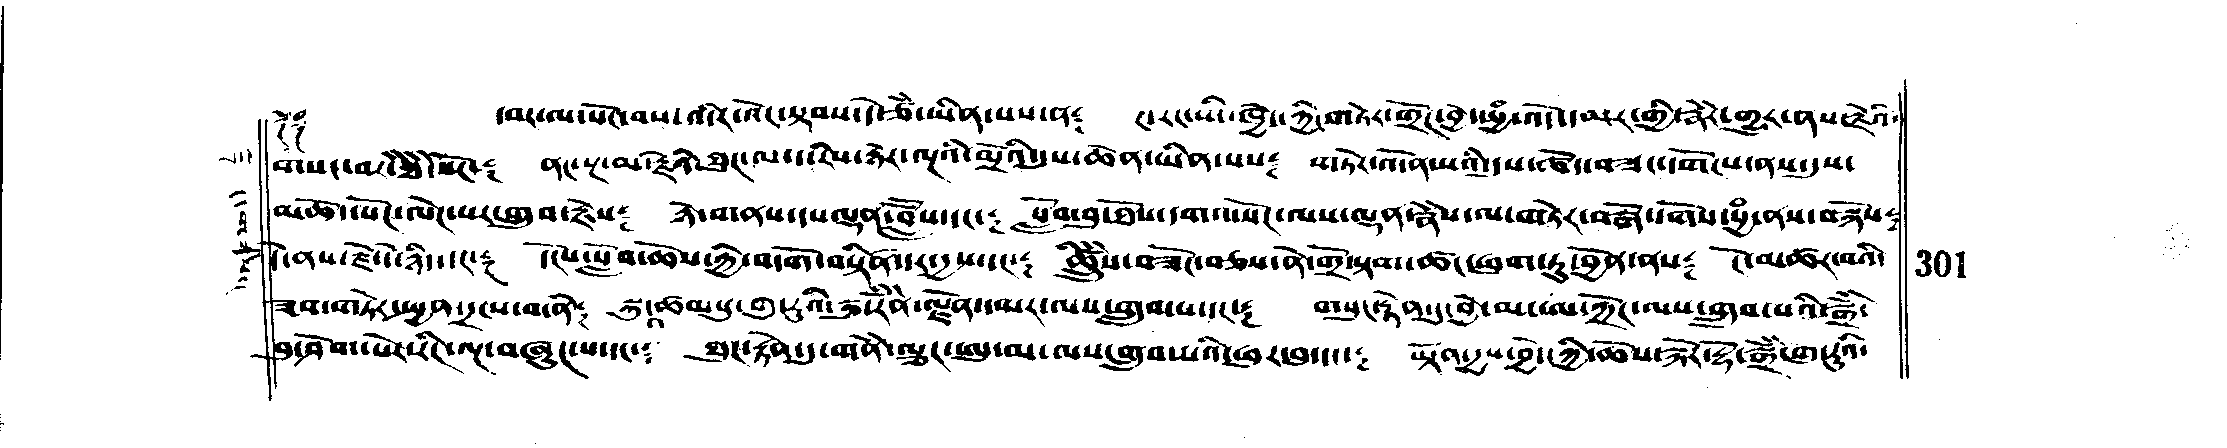དབང་ལ་སོང་བས་འདིར་འོང་སྟབས་དེ་ཙམ་ཡིན་པས་ན། ང་རང་གི་ཁྱེད་ཀྱི་གཏེར་གྲོགས་བྱེད་གསུང་འོད་དམར་གྱི་རྣམ་པར་གྱུར་ནས་རྗེའི་
གསང་བར་ཐིམ་སོང་། ནངས་སྔ་མོ་རྗེའི་ཐུགས་ལ་ད་རིས་ཉེར་ལྔའི་མཁའ་འགྲོའི་དུས་ཆེན་ཡིན་པས། གཏེར་འདོན་པའི་དུས་ཚོད་བཟང་དགོངས་ནས་དུས་
མཆོད་སོགས་ལེགས་པར་གྲུབ་རྗེས། ཉེ་གནས་དཔལ་ལྡན་བློ་གྲོས་དང་། སློབ་བུ་ཐོས་དགའ་སོགས་ལས་ལྡན་རྣམས་ལ་གཏེར་བསྒོ་༼བགོ་?༽དགོས་གསུང་ནས་བསྐོས། 
དེ་ནས་རྗེ་དེ་ཉིད་དང་། དངོས་སློབ་ཆོས་ཀྱི་བདག་པོ་བསྟན་འཛིན་དར་རྒྱས་དང་། ཚུལ་ཁྲིམས་བཟང་པོ་བཅས་ནེ་གྲོ་སྟག་ཚང་ཕུག་ཏུ་བྱོན་ནས། ངོ་མཚར་བའི་
ཟབ་གཏེར་སྤྱན་དྲངས་བ་ནི། སྐུ་ཚབས་སུ་གུ་རུའི་སྐུ་རིན་པོ་ཆེ་ལྗོན་དམར་ལས་གྲུབ་པ་དང་། གསུང་རྟེན་དུ་བྱེ་མ་ཨ་ཀྲོང་ལས་གྲུབ་པའི་སྒྲོམ་
བུ་ཤོག་སེར་རིགས་ལྔ་བཞུགས་པ་དང་། ཐུགས་རྟེན་དུ་གནམ་ལྕགས་ཨུ་མ་ལས་གྲུབ་པའི་ཕུར་བུ་དང་། ཡོན་ཏན་རྒྱས་བྱེད་ཀྱི་ཆོས་སྐོར་རྡོ་སྒྲོམ་གུ་རུའི་